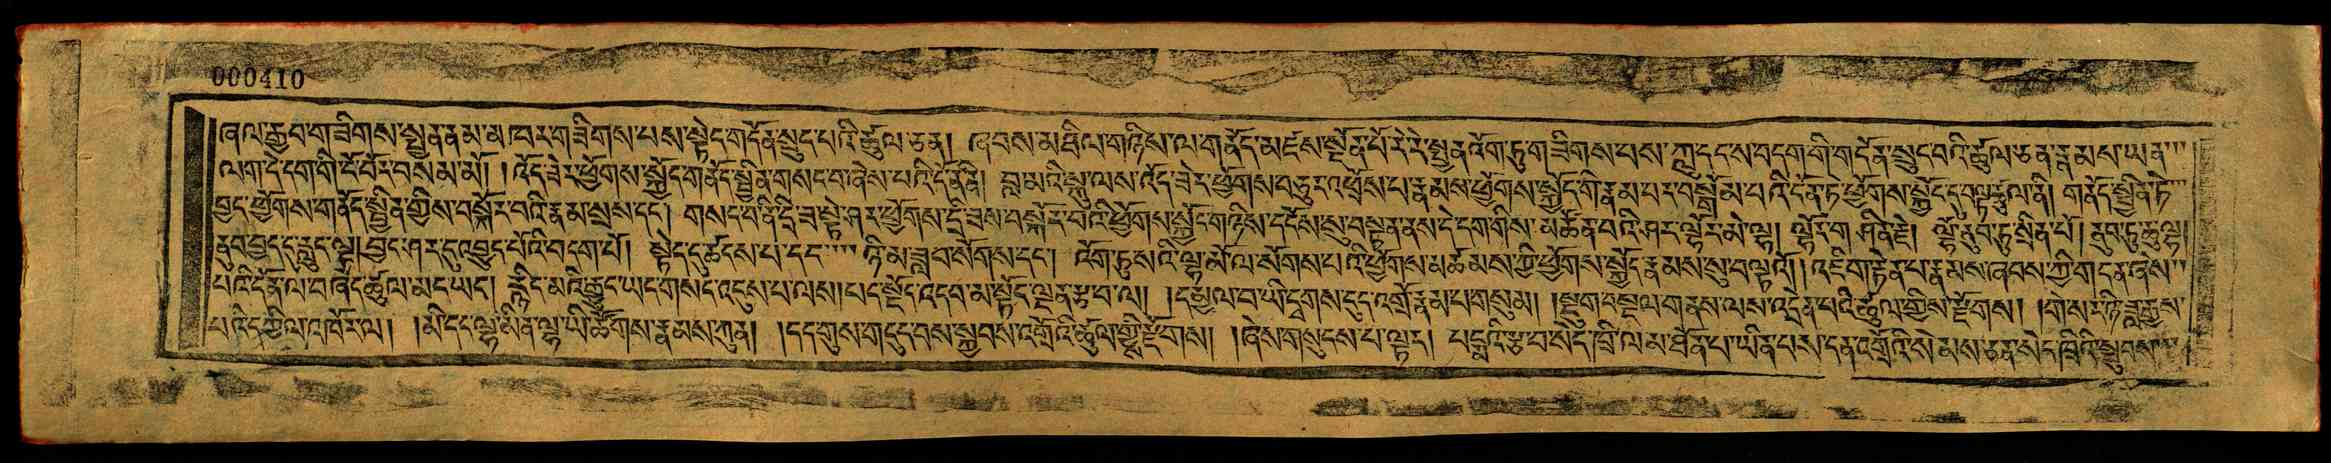ཞལ་རྒྱབ་གཟིགས་སྤྱན་ནམ་མཁར་གཟིགས་པས་སྟེང་གདོན་སྲུང་བའི་ཚུལ་ཅན། ཞབས་མཐིལ་གཉིས་ལ་གནོད་མཛེས་སྔོན་པོ་རེ་རེ་སྤྱན་འོག་ཏུ་གཟིགས་པས་ཀླུ་དང་ས་བདག་གི་གདོན་སྲུང་བའི་ཚུལ་ཅན་རྣམས་ཡན་
ལག་དེ་དག་གི་ངོ་བོར་བསམ་མོ། །འོད་ཟེར་ཕྱོགས་སྐྱོང་གནོད་སྦྱིན་གསང་བ་ཞེས་པའི་དོན་ནི། བླ་མའི་སྐུ་ལས་འོད་ཟེར་ཕྱོགས་བཅུར་འཕྲོས་པ་རྣམས་ཕྱོགས་སྐྱོང་གི་རྣམ་པར་བསྒོམ་པའི་དོན་ཏེ་ཕྱོགས་སྐྱོང་དུ་བལྟ་ཚུལ་ནི། གནོད་སྦྱིན་ཏེ་
བྱང་ཕྱོགས་གནོད་སྦྱིན་གྱིས་བསྐོར་བའི་རྣམ་སྲས་དང་། གསང་བ་ནི་དྲི་ཟ་སྟེ་ཤར་ཕྱོགས་དྲི་ཟས་བསྐོར་བའི་ཕྱོགས་སྐྱོང་གཉིས་དངོས་སུ་བསྟན་ནས་དེ་དག་གིས་མཚོན་པའི་ཤར་ལྷོར་མེ་ལྷ། ལྷོར་གཤིན་རྗེ། ལྷོ་ནུབ་ཏུ་སྲིན་པོ། ནུབ་ཏུ་ཆུ་ལྷ།
ནུབ་བྱང་དུ་རླུང་ལྷ། བྱང་ཤར་དུ་འབྱུང་པོའི་བདག་པོ། སྟེང་དུ་ཚངས་པ་དང་ཉི་མ་ཟླ་བ་སོགས་དང་། འོག་ཏུ་སའི་ལྷ་མོ་ལ་སོགས་པའི་ཕྱོགས་མཚམས་ཀྱི་ཕྱོགས་སྐྱོང་རྣམས་སུ་བལྟའོ། །འཇིག་རྟེན་པ་རྣམས་ཞབས་ཀྱི་གདན་ཞེས་
པའི་དོན་ལ་བཞེད་ཚུལ་མང་ཡང་། རྙིང་མའི་རྒྱུད་ཡང་གསང་འདུས་པ་ལས། པད་སྡོང་འདབ་མ་སྟོང་ལྡན་རྩ་བ་ལ། །དམྱལ་བ་ཡི་དྭགས་དུད་འགྲོ་རྣམ་པ་གསུམ། །སྡུག་བསྔལ་གནས་ལས་འདྲེན་པའི་ཚུལ་གྱིས་རྫོགས། །གེ་སར་ཉི་ཟླ་རྒྱས་
པའི་དཀྱིལ་འཁོར་ལ། །མི་དང་ལྷ་མིན་ལྷ་ཡི་ཚོགས་རྣམས་ཀུན། །དད་གུས་གདུད་བས་སྐྱབས་འགྲོའི་ཚུལ་གྱི་རྫོགས། །ཞེས་གསུངས་པ་ལྟར། པདམའི་རྩ་བ་སེང་ཁྲི་ལས་ཐོན་པ་ཡིན་པས་ངན་འགྲོའི་སེམས་ཅན་སེང་ཁྲིའི་ལྦུབས་